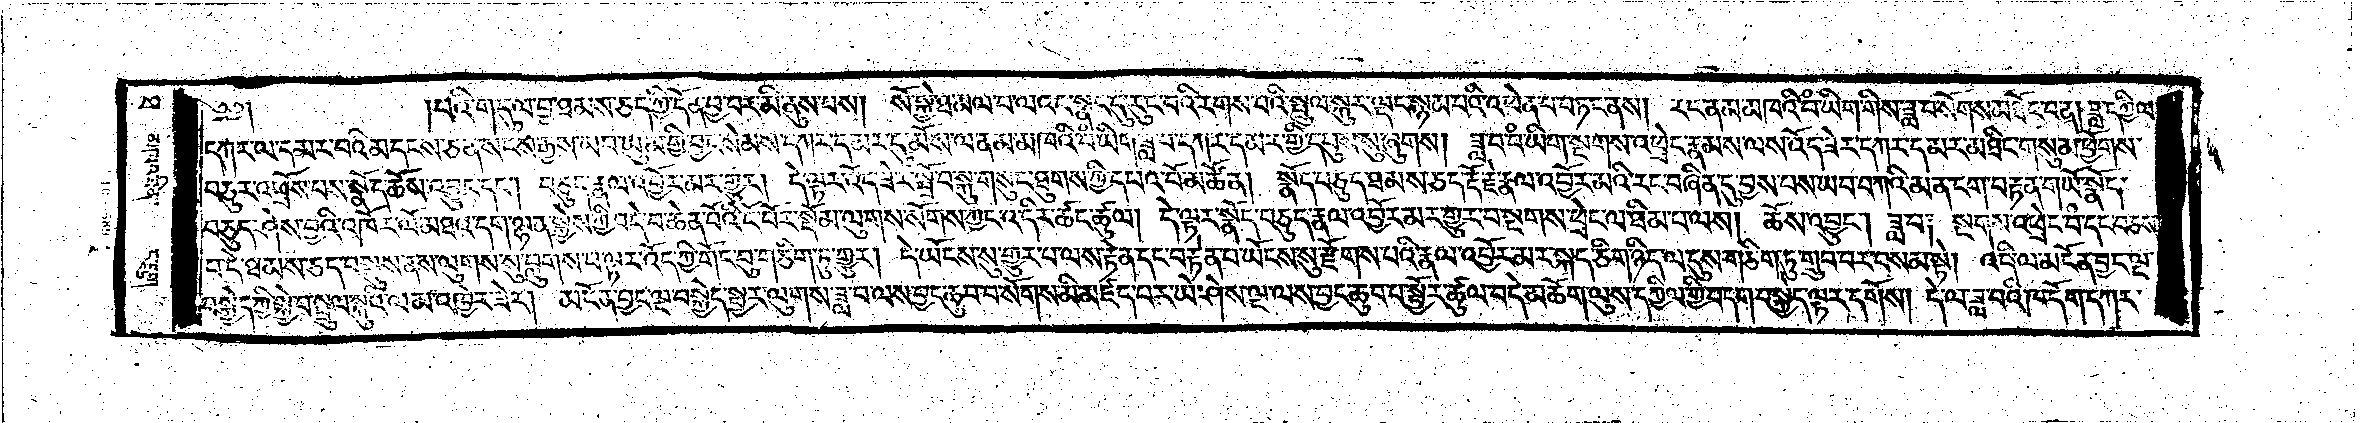༄༅། །པའི་གདུལ་བྱ་ཐམས་ཅད་ཀྱི་དོན་བྱ་བར་མི་ནུས་པས། སོ་སྐྱེ་ཐ་མལ་པ་ལའང་སྣང་དུ་རུང་བའི་རགས་པའི་སྤྲུལ་སྐུར་ལྡང་སྙམ་པའི་འཕེན་པ་བཏང་ནས། རང་ནམ་མཁའི་བཾ་ཡིག་གིས་ཟླ་བ་སོགས་མཐོང་བ་ན། ཟླ་དཀྱིལ་
དཀར་ལ་དམར་བའི་མདངས་ཅན་སངས་རྒྱས་ཡབ་ཡུམ་གྱི་བྱང་སེམས་དཀར་དམར་དུ་མོས་ལ་ནམ་མཁའི་བཾ་ཡིག་ཟླ་བ་དཀར་དམར་གྱི་དབུས་སུ་ཞུགས། ཟླ་བ་བཾ་ཡིག་སྔགས་འཕྲེང་རྣམས་ལས་འོད་ཟེར་དཀར་དམར་མཐིང་གསུམ་ཕྱོགས་
བཅུར་འཕྲོས་པས་སྣོད་ཆོས་འབྱུང་དང་། བཅུད་རྣལ་འབྱོར་མར་གྱུར། དེ་ལྟར་འོད་ཟེར་སྤྲོ་བ་སྐུ་གསུང་ཐུགས་ཀྱི་དཔའ་བོ་མཚོན། སྣོད་བཅུད་ཐམས་ཅད་རྡོ་རྗེ་རྣལ་འབྱོར་མའི་རང་བཞིན་དུ་བྱས་པས་ཡབ་བཀའི་མན་ངག་བརྟན་གཡོ་སྣོད་
བཅུད་ཤེས་བྱའི་འཁོར་ལོ་མཐའ་དག་ལྷན་སྐྱེས་ཀྱི་བདེ་བ་ཆེན་པོའི་ངོ་བོར་སྡོམ་ལུགས་སོགས་ཀྱང་འདིར་ཚང་ཚུལ། དེ་ལྟར་སྣོད་བཅུད་རྣལ་འབྱོར་མར་གྱུར་པ་སྔགས་ཕྲེང་ལ་ཐིམ་པ་ལས། ཆོས་འབྱུང་། ཟླ་བ༑ སྔགས་འཕྲེང་བཾ་དང་བཅས་
པ་དེ་ཐམས་ཅད་བསྡུས་ནས་ལུགས་སུ་བླུགས་པ་ལྟར་འོད་ཀྱི་གོང་བུ་གཅིག་ཏུ་གྱུར། དེ་ཡོངས་སུ་གྱུར་པ་ལས་རྟེན་དང་བརྟེན་པ་ཡོངས་སུ་རྫོགས་པའི་རྣལ་འབྱོར་མར་སྐད་ཅིག་ཉིད་ལ་དུས་གཅིག་ཏུ་གྲུབ་པར་བསམ་སྟེ། འདི་ལ་མངོན་བྱང་ལྔ་
བསྐྱེད་ཀྱི་སྐྱེ་བ་སྤྲུལ་སྐུའི་ལམ་འཁྱེར་ཟེར། མངོན་བྱང་ལྔ་བསྐྱེད་སྦྱར་ལུགས་ཟླ་བ་ལས་བྱང་ཆུབ་པ་སོགས་མི་མཛད་པར་ཡེ་ཤེས་ལྔ་ལས་བྱང་ཆུབ་པ་སྦྱོར་ཚུལ་བདེ་མཆོག་ལུས་དཀྱིལ་གྱི་བདག་བསྐྱེད་ལྟར་དགོས། དེ་ལ་ཟླ་བའི་ཁ་དོག་དཀར་